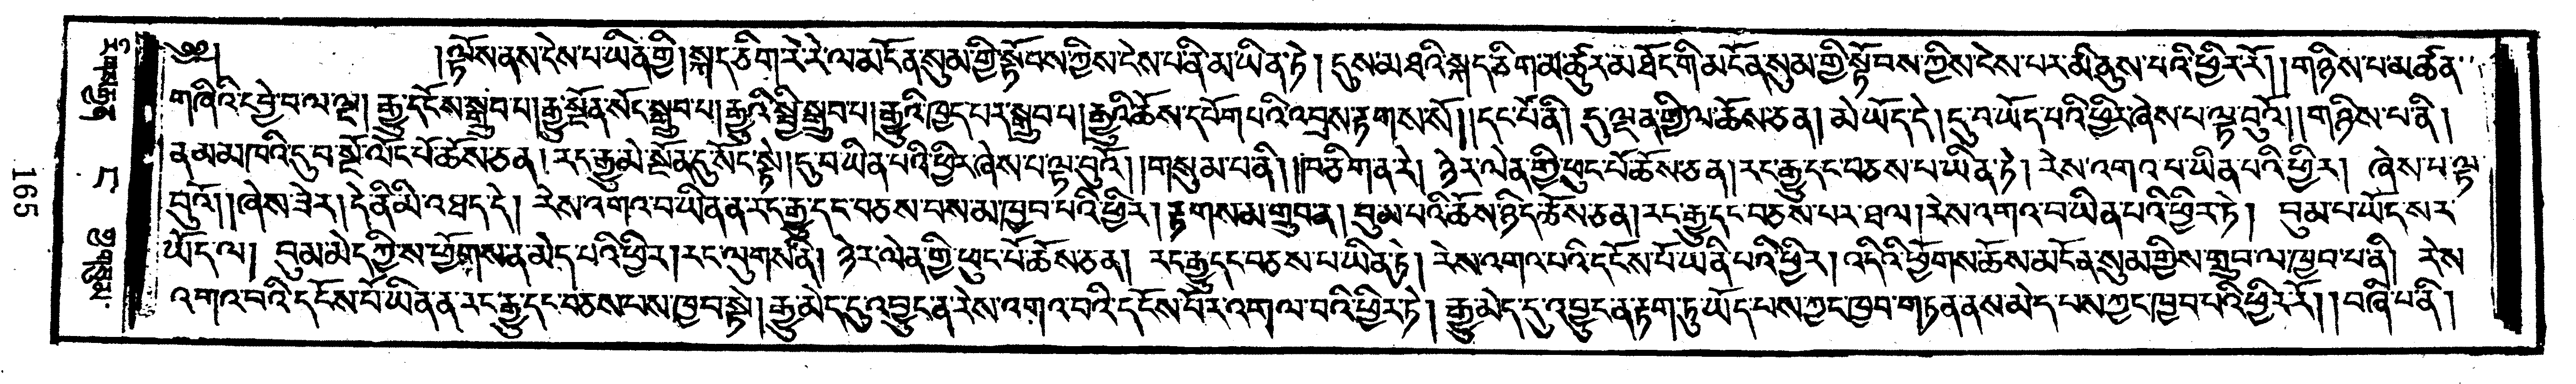༄༅། །ལྟོས་ནས་ངེས་པ་ཡིན་གྱི། སྐད་ཅིག་རེ་རེ་ལ་མངོན་སུམ་གྱི་སྟོབས་ཀྱིས་ངེས་པ་ནི་མ་ཡིན་ཏེ། དུས་མཐའི་སྐད་ཅིག་མ་ཚུར་མཐོང་གི་མངོན་སུམ་གྱི་སྟོབས་ཀྱིས་ངེས་པར་མི་ནུས་པའི་ཕྱིར་རོ། །གཉིས་པ་མཚན་
གཞིའི་དབྱེ་བ་ལ་ལྔ། རྒྱུ་དངོས་སྒྲུབ་པ། རྒྱུ་སྔོན་སོང་སྒྲུབ་པ། རྒྱུའི་སྤྱི་སྒྲུབ་པ། རྒྱུའི་ཁྱད་པར་སྒྲུབ་པ། རྒྱུའི་ཆོས་དཔོག་པའི་འབྲས་རྟགས་སོ། །དང་པོ་ནི། དུ་ལྡན་གྱི་ལ་ཆོས་ཅན། མེ་ཡོད་དེ། དུ་བ་ཡོད་པའི་ཕྱིར་ཞེས་པ་ལྟ་བུའོ། །གཉིས་པ་ནི།
ནམ་མཁའི་དུ་བ་སྔོ་ལོང་པོ་ཆོས་ཅན། རང་རྒྱུ་མེ་སྔོན་དུ་སོང་སྟེ། དུ་བ་ཡིན་པའི་ཕྱིར་ཞེས་པ་ལྟ་བུའོ། །གསུམ་པ་ནི། ཁ་ཅིག་ན་རེ། ཉེར་ལེན་གྱི་ཕུང་པོ་ཆོས་ཅན། རང་རྒྱུ་དང་བཅས་པ་ཡིན་ཏེ། རེས་འགའ་བ་ཡིན་པའི་ཕྱིར། ཞེས་པ་ལྟ་
བུའོ། །ཞེས་ཟེར། དེ་ནི་མི་འཐད་དེ། རེས་འགའ་བ་ཡིན་ན་རང་རྒྱུ་དང་བཅས་པས་མ་ཁྱབ་པའི་ཕྱིར། རྟགས་མ་གྲུབ་ན། བུམ་པའི་ཆོས་ཉིད་ཆོས་ཅན། རང་རྒྱུ་དང་བཅས་པར་ཐལ། རེས་འགའ་བ་ཡིན་པའི་ཕྱིར་ཏེ། བུམ་པ་ཡོད་སར་
ཡོད་ལ། བུམ་མེད་ཀྱི་ས་ཕྱོགས་ན་མེད་པའི་ཕྱིར། རང་ལུགས་ནི། ཉེར་ལེན་གྱི་ཕུང་པོ་ཆོས་ཅན། རང་རྒྱུ་དང་བཅས་པ་ཡིན་ཏེ། རེས་འགའ་བའི་དངོས་པོ་ཡིན་པའི་ཕྱིར། འདིའི་ཕྱོགས་ཆོས་མངོན་སུམ་གྱིས་གྲུབ་ལ་ཁྱབ་པ་ནི། རེས་
འགའ་བའི་དངོས་པོ་ཡིན་ན་རང་རྒྱུ་དང་བཅས་པས་ཁྱབ་སྟེ། རྒྱུ་མེད་དུ་འབྱུང་ན་རེས་འགའ་བའི་དངོས་པོར་འགལ་བའི་ཕྱིར་ཏེ། རྒྱུ་མེད་དུ་འབྱུང་ན་རྟག་ཏུ་ཡོད་པས་ཀྱང་ཁྱབ་གཏན་ནས་མེད་པས་ཀྱང་ཁྱབ་པའི་ཕྱིར་རོ། །བཞི་པ་ནི།